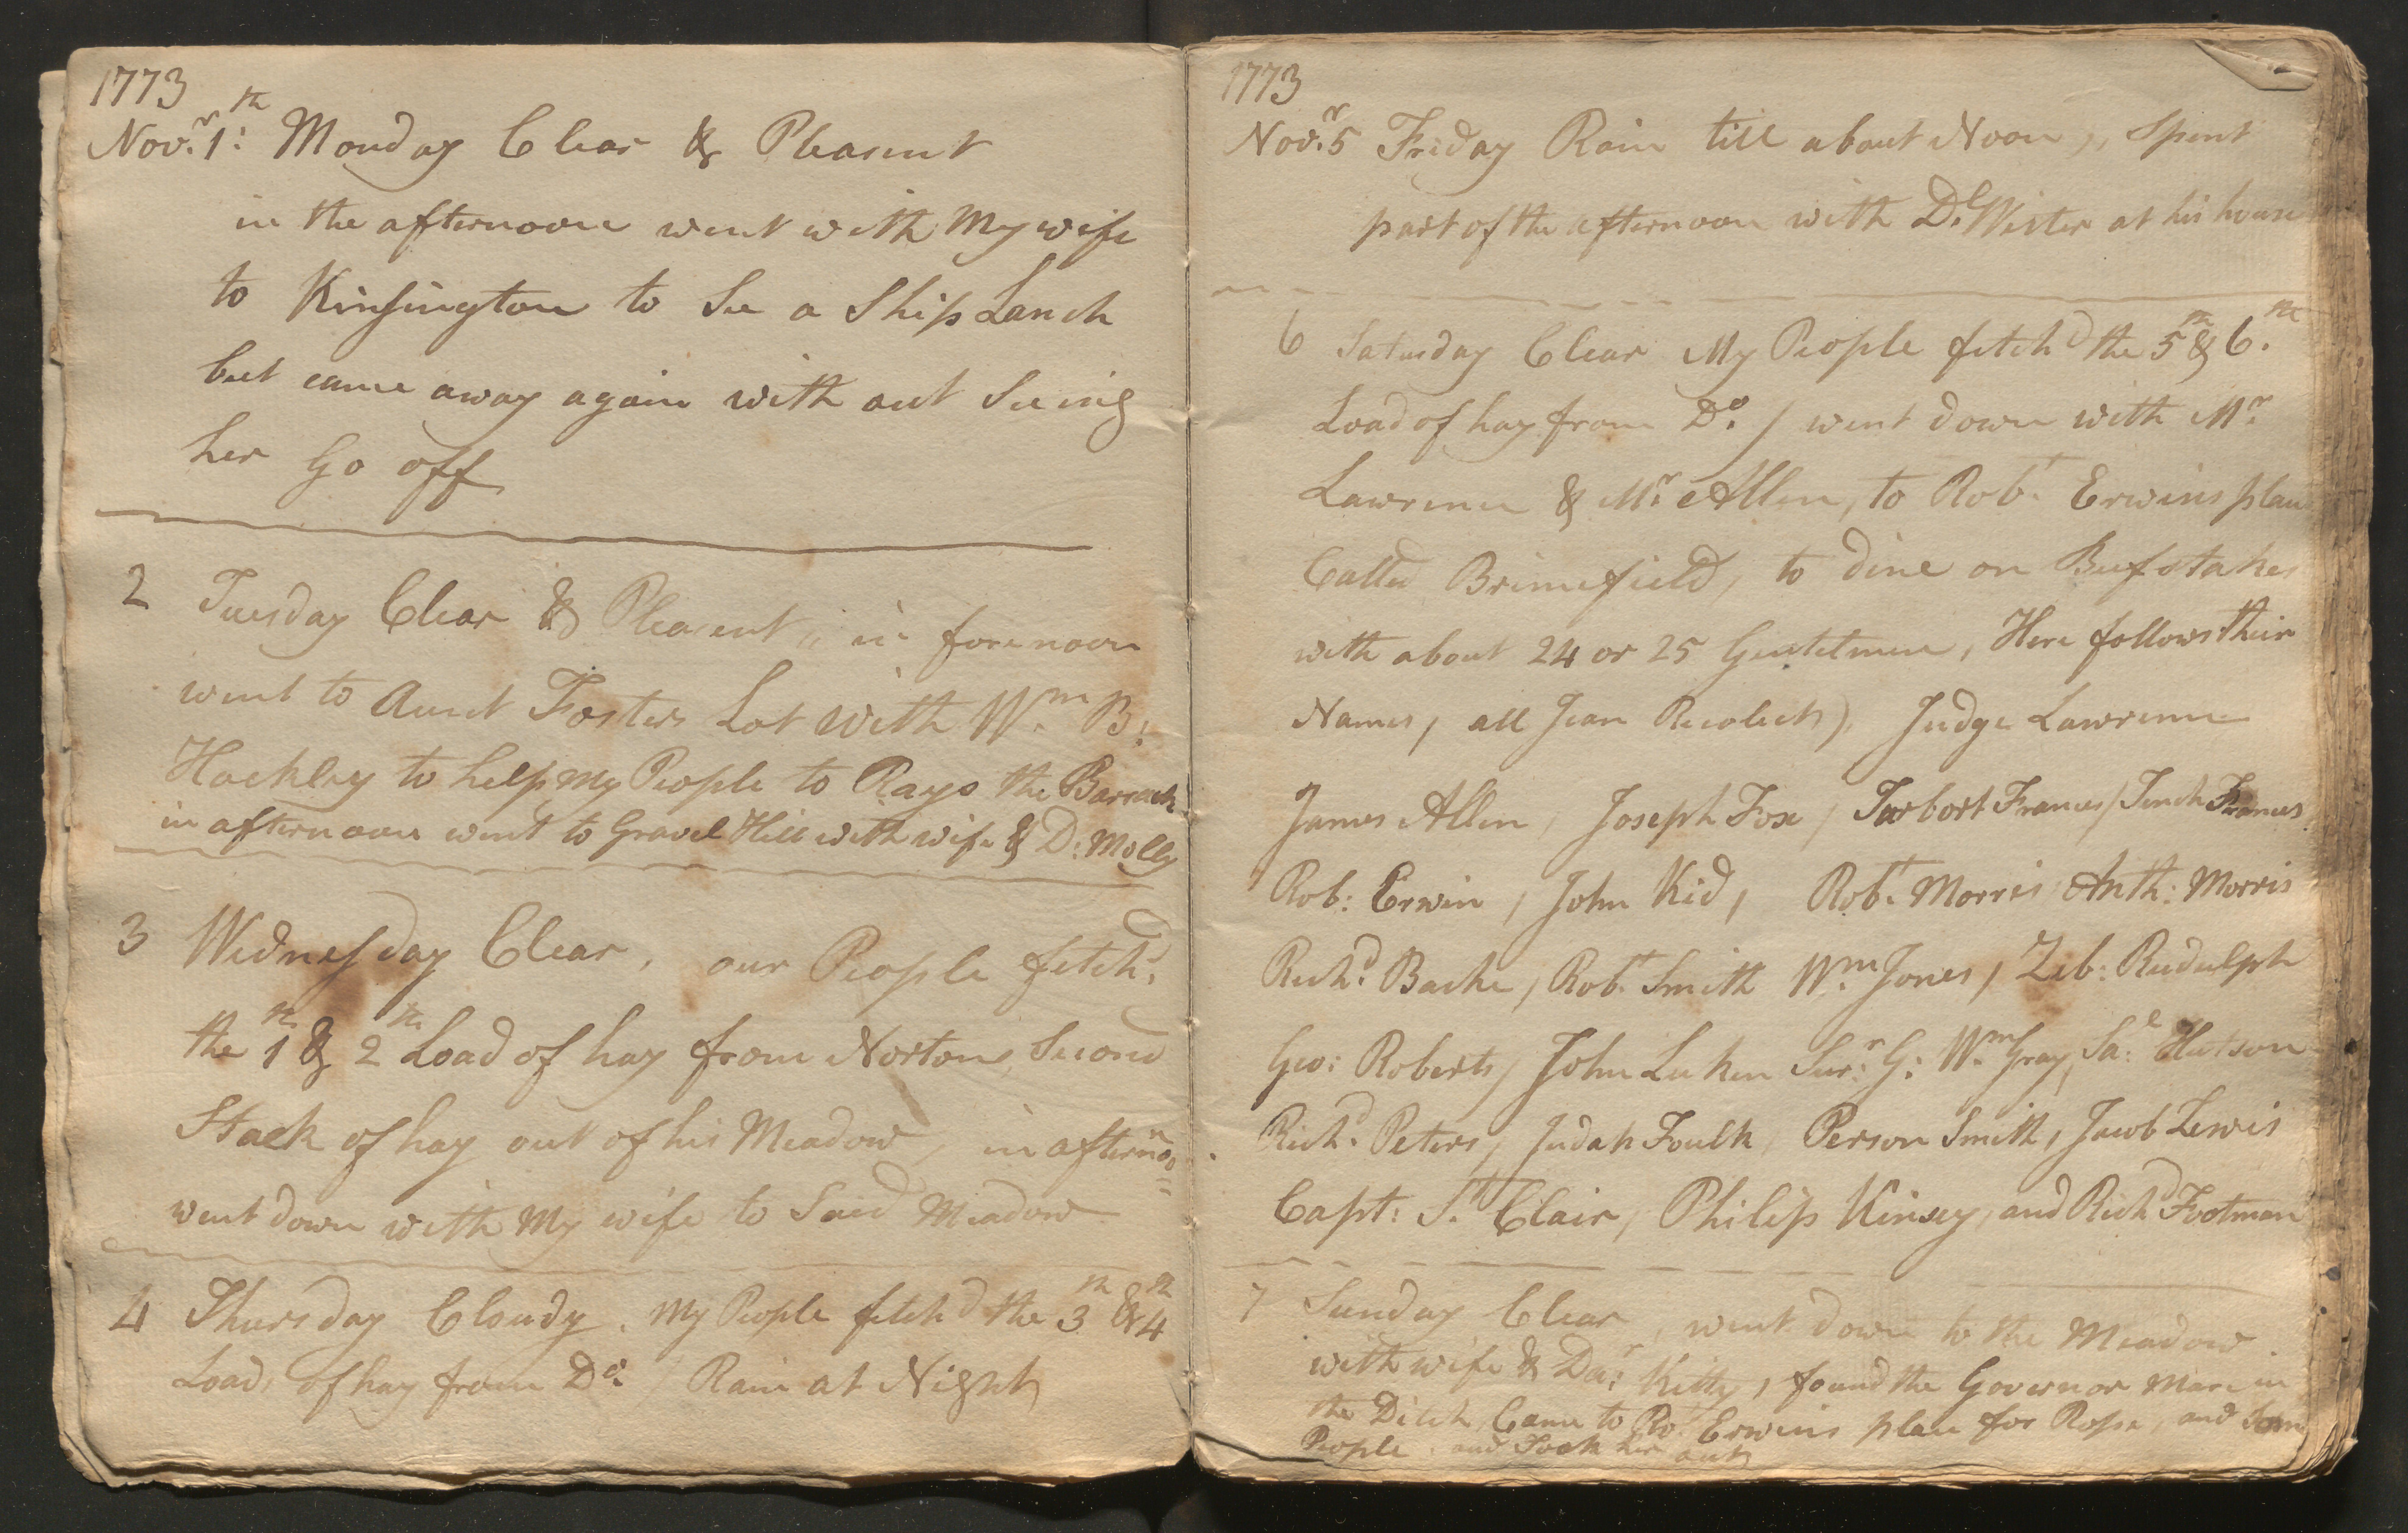1773
Nov^r. 1^th. Monday Clear & Pleasent
in the afternoon went with My wife
to Kinsington to see a Ship Lanch
but came away again with out seeing
her Go off
2 Tuesday Clear Pleasent, in forenoon
went to Aunt Fosters Lot with W^m. B.
Hackley to help My People to Rays the Barrack
in afternoon went to Gravel Hill with wife & D: Moly
3 Wednesday Clear, our People fetch^d.
the 1^th & 2^th Load of hay from Nortons second
Stack of hay out of his Meadow in afternoon
went down with My wife to Said Meadow
4 Thursday Cloudy. My People fetch^d the 3^th & 4^th
Load of hay fro D^o. Rain at Night
1773
Nov^r. 5 Friday Rain till about Noon spent
part of the afternoon with D^l. Wister at his house
6 Saturday Clear My People fetch^d the 5^th & 6^th.
Load of hay from D^o.) went down with M^r.
Lawrence & M^r. Allen, to Rob^t Erwins plan
Called Brimefield, to dine on Beefstakes
with about 24 or 25 Gentelmen, Here follows their
Names, all Jean Recolech Judge Lawrence
James Allen, Joseph Fox, Tabort Frances) Tench Frances
Rob: Erwin, John Kid, Rob^t. Morris Anth: Morris
Rich^d. Bache, Rob^t. Smith W^m. Jones, Zeb: Rudulph
Geo: Roberts, John Luken Sen^r. G. W^m. Gray Sa^l. Hutson
Rich^d. Peters, Judah Foulk, Person Smith, Jacob Lewis
Capt: S^t. Clair, Philip Kinsey and Rich^d Footman.
7 Sunday Clear went down to the Meadow
with wife & Da^r: Kitty found the Governor Mare in
the Ditch, Came to Ro^t. Erwins place for Roses, and Sam
People and Took her aout